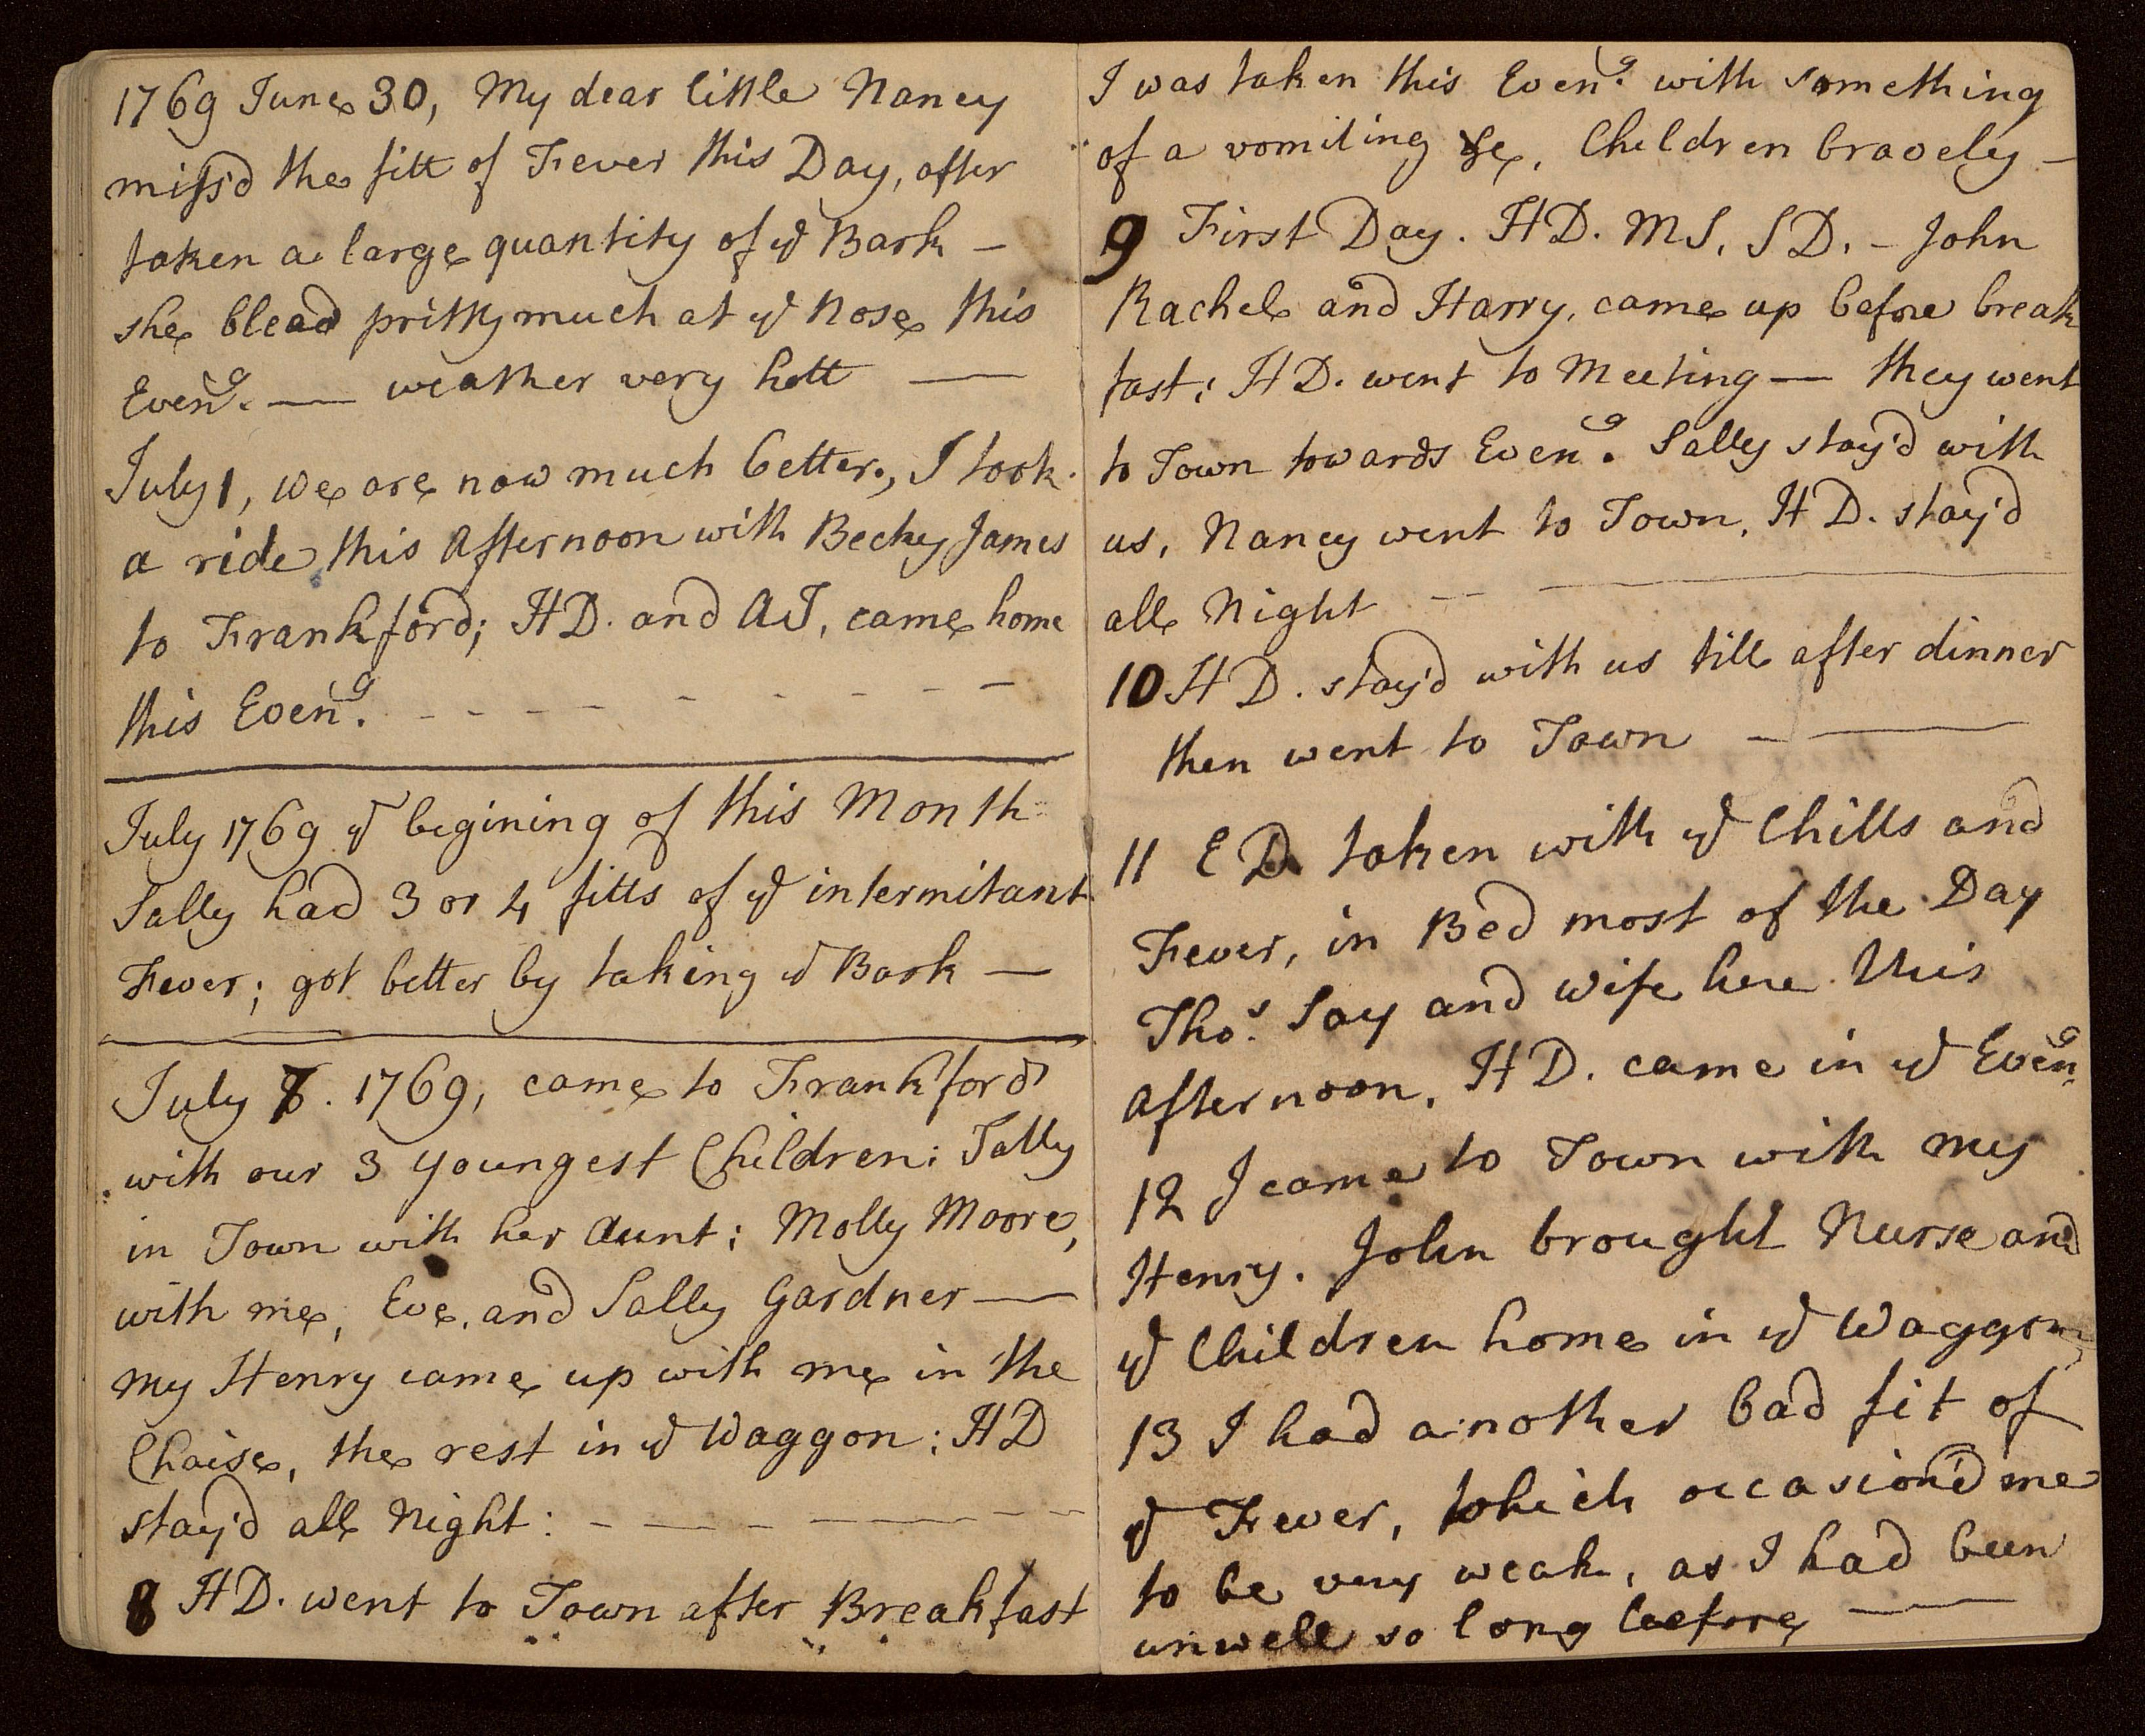1769 June 30, My dear little Nancy
miss'd the fitt of Fever this Day, after
taken a large quantity of y^e Bark-
she blead pritty much at y^e Nose this
Even^g.- weather very hott-
July 1, we are now much better, I took
a ride this Afternoon with Becky James
to Frankford; HD. and A J. came home
this Even^g -
July 1769 y^e begining of this Month
Sally had 3 or 4 fitts of y^e intermitant
Fever; got better by taking y^e Bark-
July 7. 1769, came to Frankford
with our 3 youngest Children: Sally
in Town with her Aunt; Molly Moore,
with me, Eve and Sally Gardner-
My Henry came up with me in the
Chaise, the rest in y^e Waggon; H D
stay'd all Night:
8 HD. went to Town after Breakfast
I was taken this Even^g. with something
of a vomiting &c, Children bravely-
9 First Day. HD. MS. SD.- John
Rachel and Harry, came up before break
fast: HD. went to meeting- they went
to Town towards Even^g. Sally stay'd with
us, Nancy went to Town, H D. stay'd
all Night
10 H D. stay'd with us till after dinner
then went to Town
11 E D taken with y^e Chills and
Fever, in Bed most of the Day
Tho^s. Say and Wife here this
Afternoon. HD. came in y^e Even^g
12 I came to Town with my
Henry. John brought Nurse and
y^e Children home in y^e Waggon
13 I had another bad fit of
y^e Fever, Which occasion'd me
to be very weak, as I had been
unwell so long before,